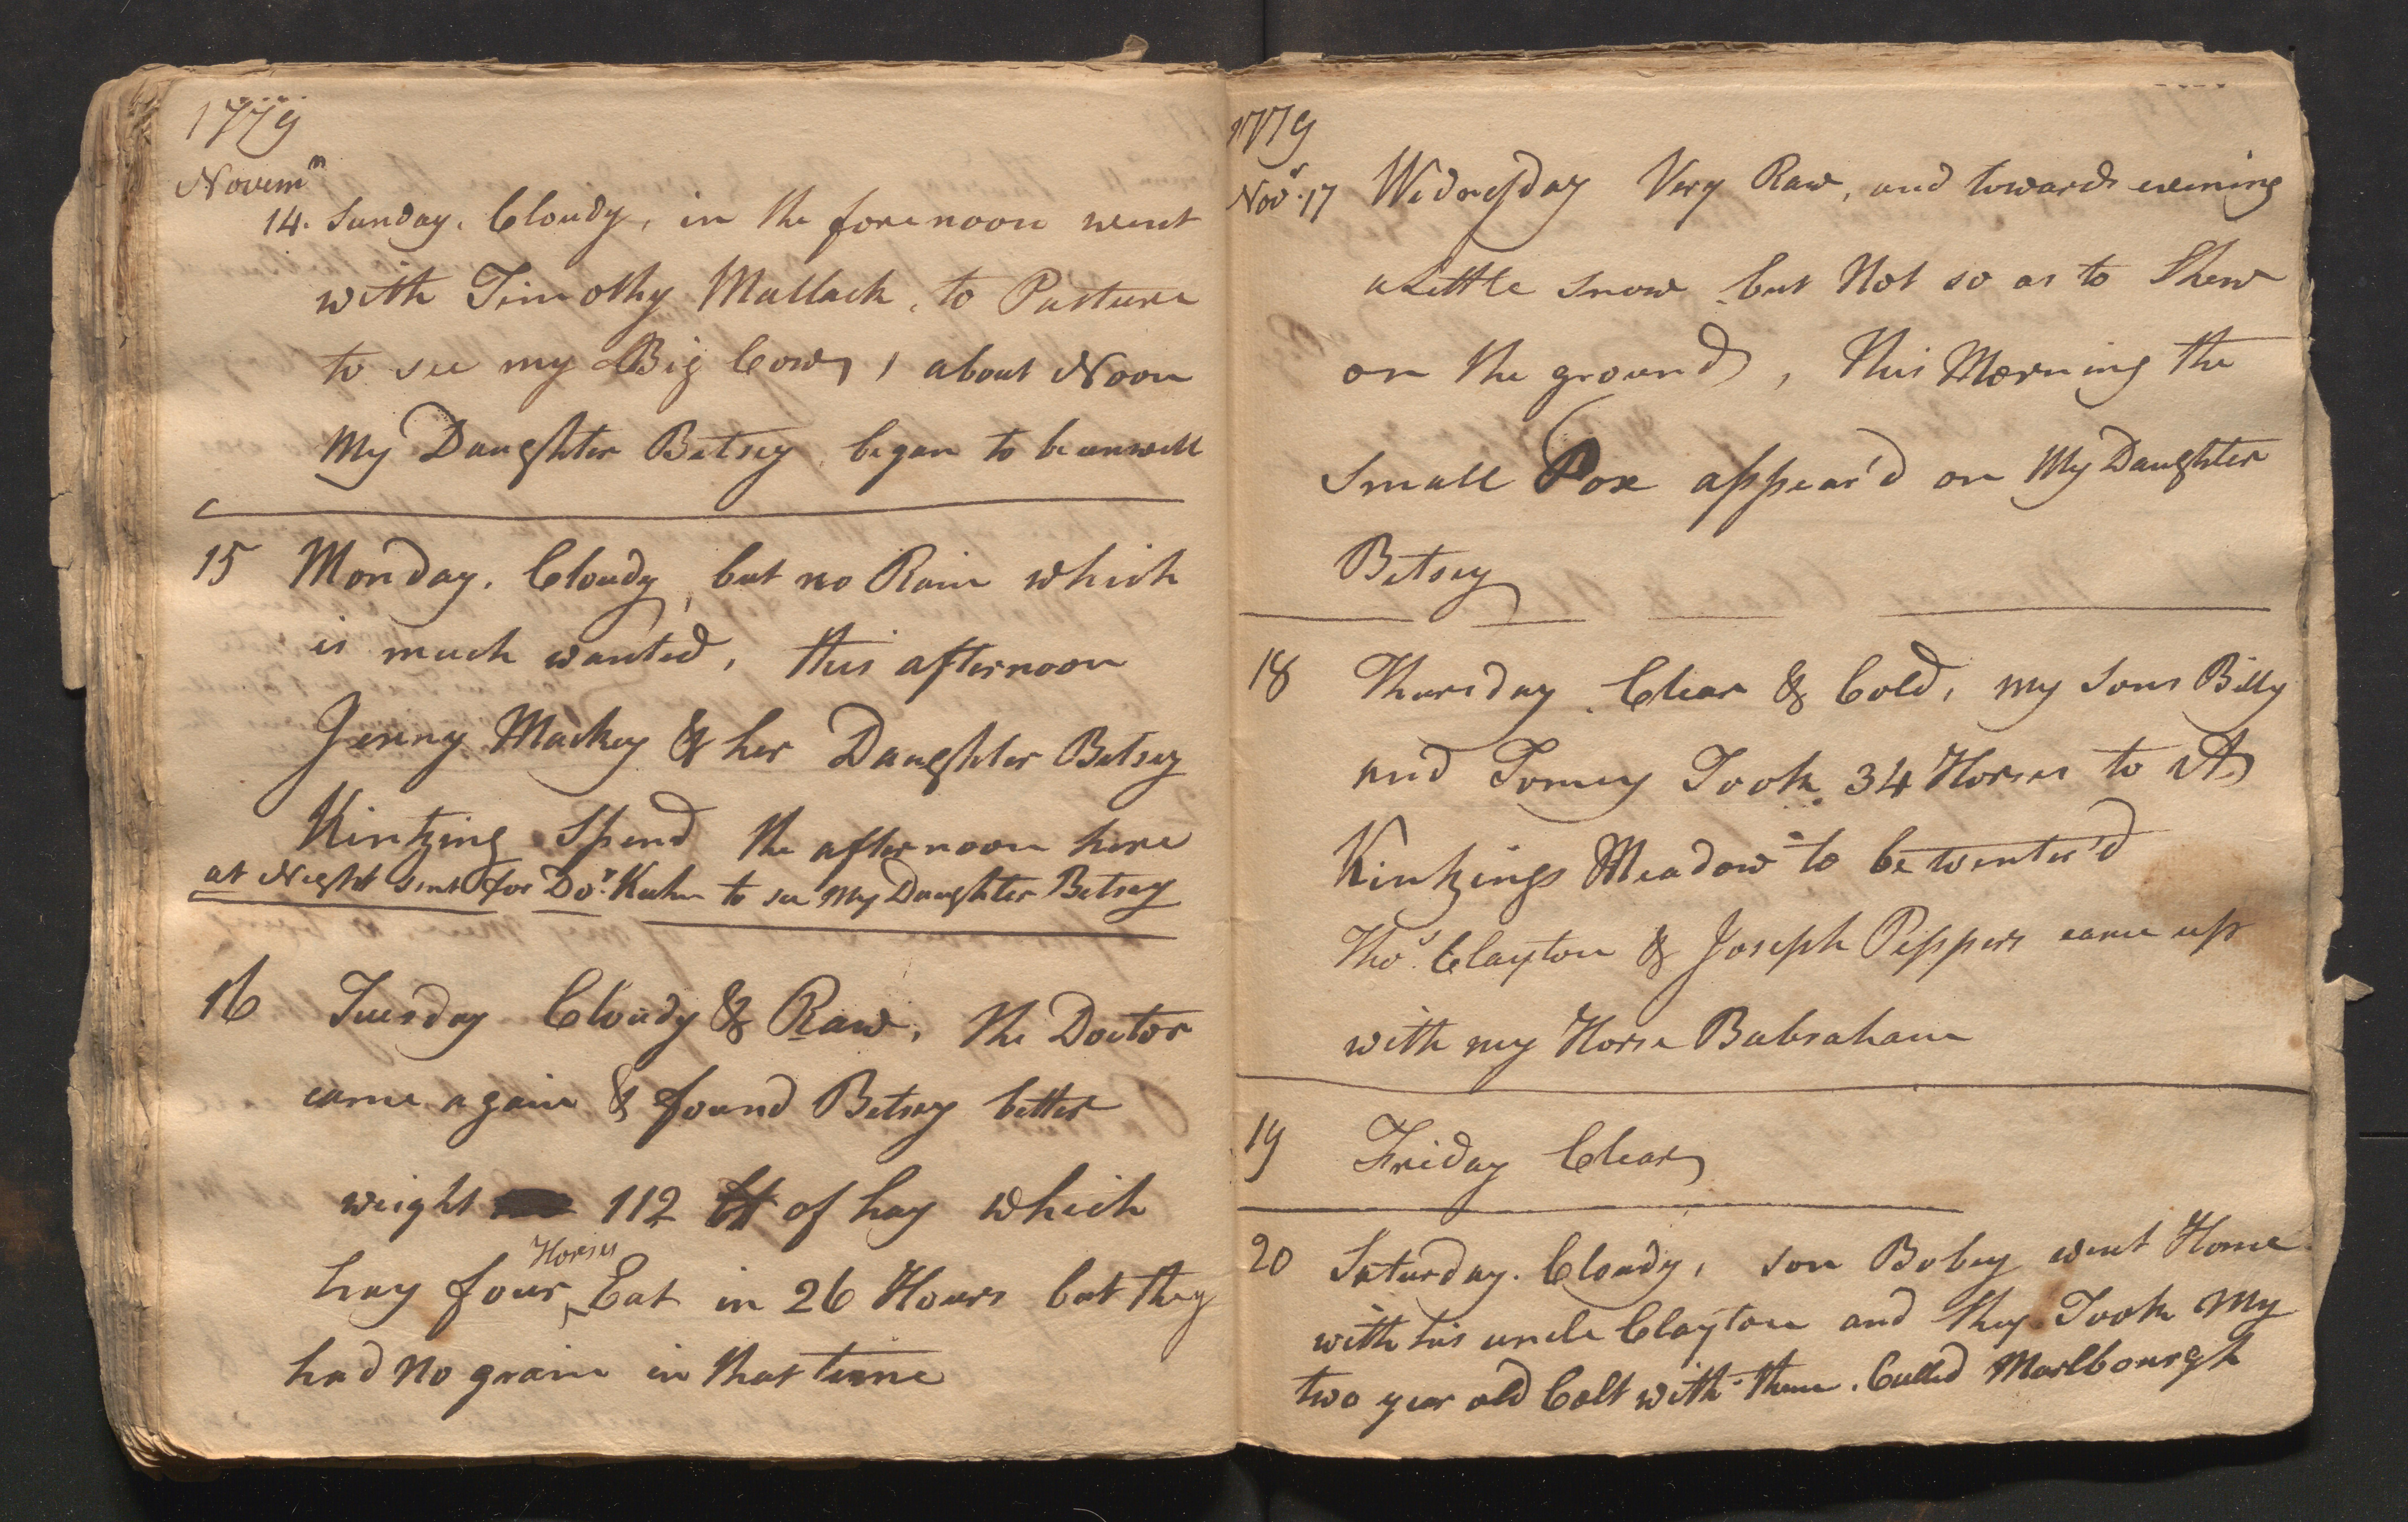1779
Novem^r
14. Sunday. Cloudy, in the forenoon went
with Timothy Matlack to Pasture
to see my Big Cow / about Noon
My Daughter Betsey began to be unwell
15 Monday. Cloudy but no Ram which
is much wanted, this afternoon
Jenny Mackey & her Daughter Betsey
Kintzing Spend the afternoon here
at Night sent for Do^r. Kuhn to see My Daughter Betsey
16 Tuesday Cloudy & Raw, the Doctor
came again & found Betsey better
weight 112 lb of hay which
Horses
hay four ^ Eat in 26 Hours but they
had no grain in that time
1779
Nov^r. 17 Wednesday Very Raw, and towards evening
a Little snow but Not so as to shew
on the ground, This Morning the
small Pox appear'd on My Daughter
Betsey
18 Thursday Clear & Cold, my sons Billy
and Tomey Took 34 Horses to A
Kintzings Meadow to be winter'd
Tho^s. Clayton & Joseph Peppers came up
with my Horse Babraham
19 Friday Clear
20 Saturday. Cloudy, son Bobey went Home
with his uncle Clayton and they Took My
two year old Colt with them. Culled Marlbourgh